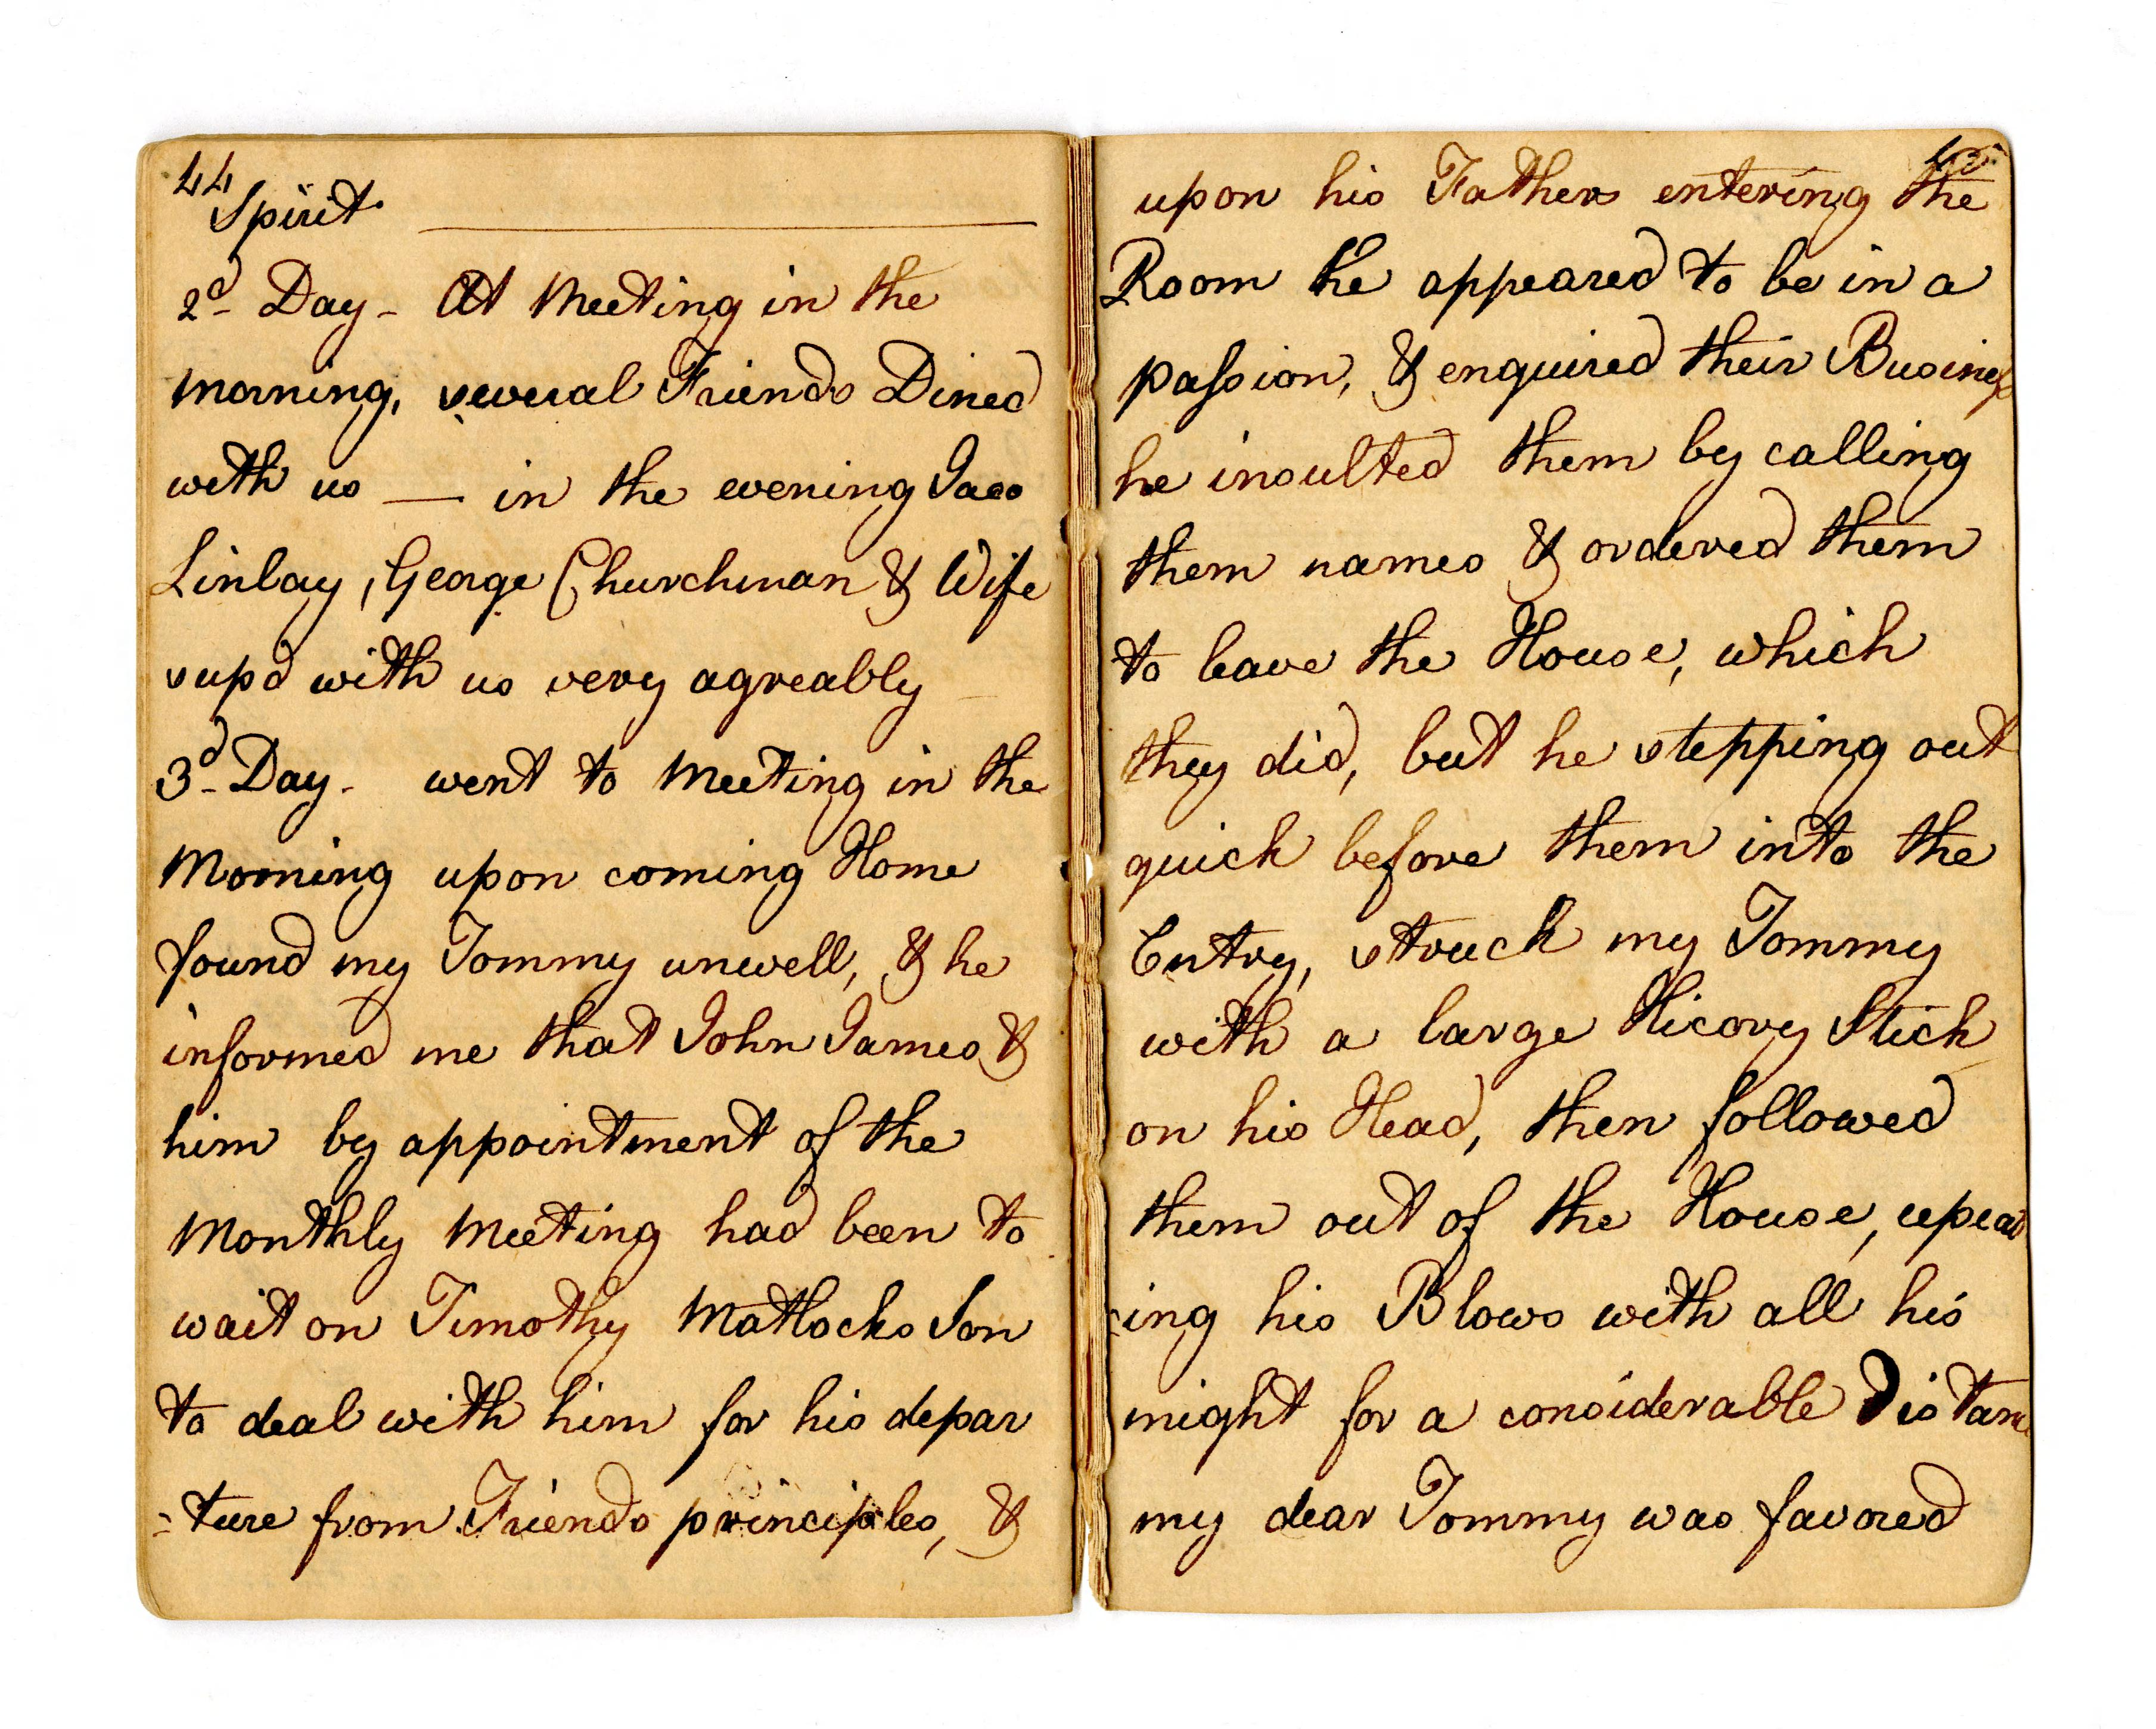44
Spirit
2^d Day- At meeting in the
morning, several Friends Dined
with us- in the evening aco
Linlay, George Churchman & Wife
supd with us very agreably
3^d Day. went to Meeting in the
Morning upon coming Home
found my Tommy unwell, & he
informed me that John James &
him by appointment of the
Monthly Meeting had been to
wait on Timothy Matlocks Son
to deal with him for his depar
-ture from Friends principles, &
45
upon his Fathers entering the
Room he appeared to be in a
passion, & enquired their Business
he insulted them by calling
them names & ordered them
to leave the House, which
they did, but he stepping out
quick before them into the
Entry, struck my Tommy
with a large Hicory Stick
on his Head, then followed
them out of the House, repeat
-ing his Blows with all his
might for a considerable distance
my dear Tommy was favored